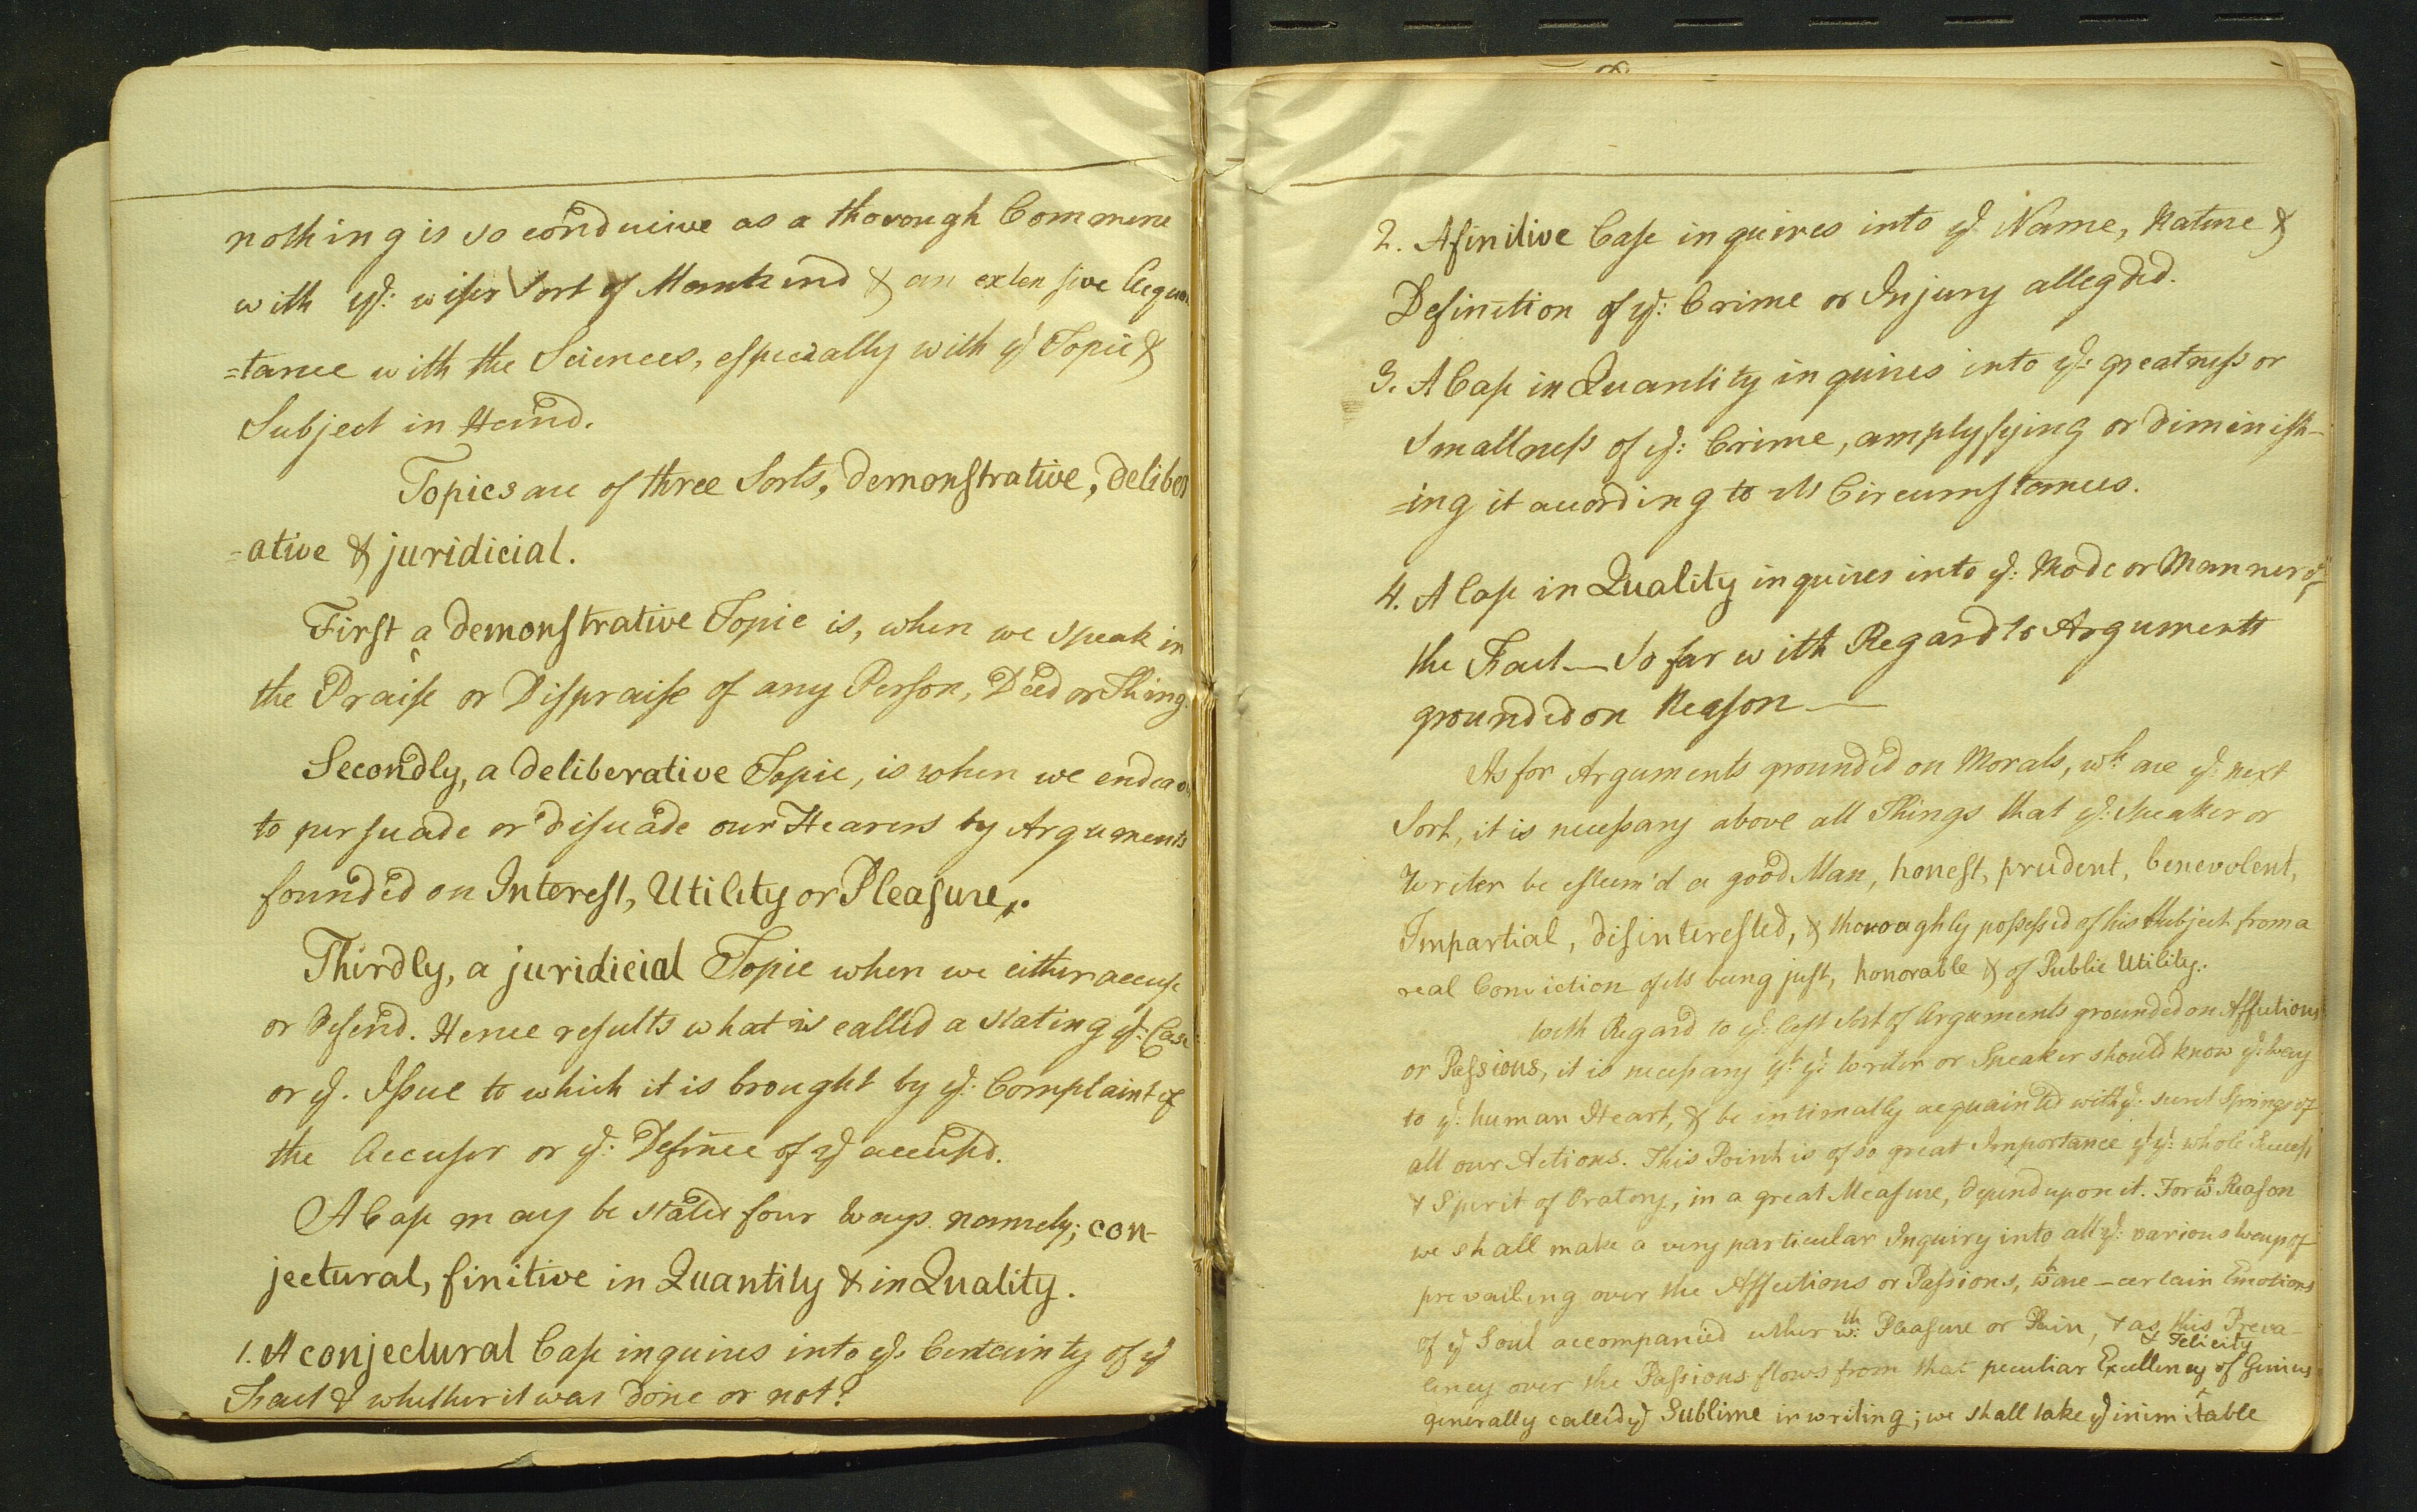nothing is so conducive as a thorough Commune
with y^e: wiser Sort of Mankind & an extensive Acquain-
-tance with the Sciences, especially with y^e Topic &
Subject in Hand.
-ative & juridical.
Topics are of three Sorts, demonstrative, deliber-
First a demonstrative Topic is, when we speak in
the Praise or Dispraise of any Person, Deed or Thing.
Secondly, a deliberative Topic, is when we endeavor
to persuade or disuade our Hearers by Arguments
founded on Interest, Utility or Pleasure.
Thirdly, a juridicial Topic when we either accuse
or defend. Hence results what is called a stating y^e. Case
or y^e. Issue to which it is brought by y^e: Complaint of
the Accusor or y^e: Defence of ye accused.
A Case may be stated four ways namely; con-
jectural, finitive in Quantity & in Quality.
1. A conjectural Case inquires into y^e Certainty of y^e
Fact & whither it was done or not.
2. A finitive Case inquires into y^e Name, Nature &
Definition of y^e: Crime or Injury allegded.
3. A Case in Quantity inquires into y^e greatness or
Smallness of y^e Crime, amplyfying or diminish-
-ing it according to its Circumstances.
4. A Case in Quality inquires into y^e: Mode or Manner of
the Foul- So far with Regard to Arguments
grounded on reason-
As for Arguments grounded on Morals, w^h are y^e next
Sort, it is necessary above all Things that y^e: Speaker or
Writer be esteem'd a good Man, honest, prudent, benevolent,
Impartial, disinterested, & thoroughly possessed of this Subject from a
real Conviction of its being just, honorable & of Public Utility.
With Regard to y^e: last Sort of Arguments grounded on Affections
or Passions, it is necessary y^e y^e Writer or Speaker should know y^e: key
to y^e: human Heart, & be intimately acquainted with y^e: secret springs of
all our Actions. This Point is of so great Importance y^t y^e: whole success
& Spirit of Oratory, in a great Measure, depend upon it. For w^h Reason
we shall make a very particular Inquiry into all y^e: various ways of
prevailing over the Affections or Passions, w^h are– certain Emotions
of y^e Soul accompanied either w^th: Pleasure or Pain, & as this Preva-
& Felicity
lency over the Passions flows from that peculiar Excellency ^ of Genius
generally called y^e Sublime in writing; we shall take of inimitable